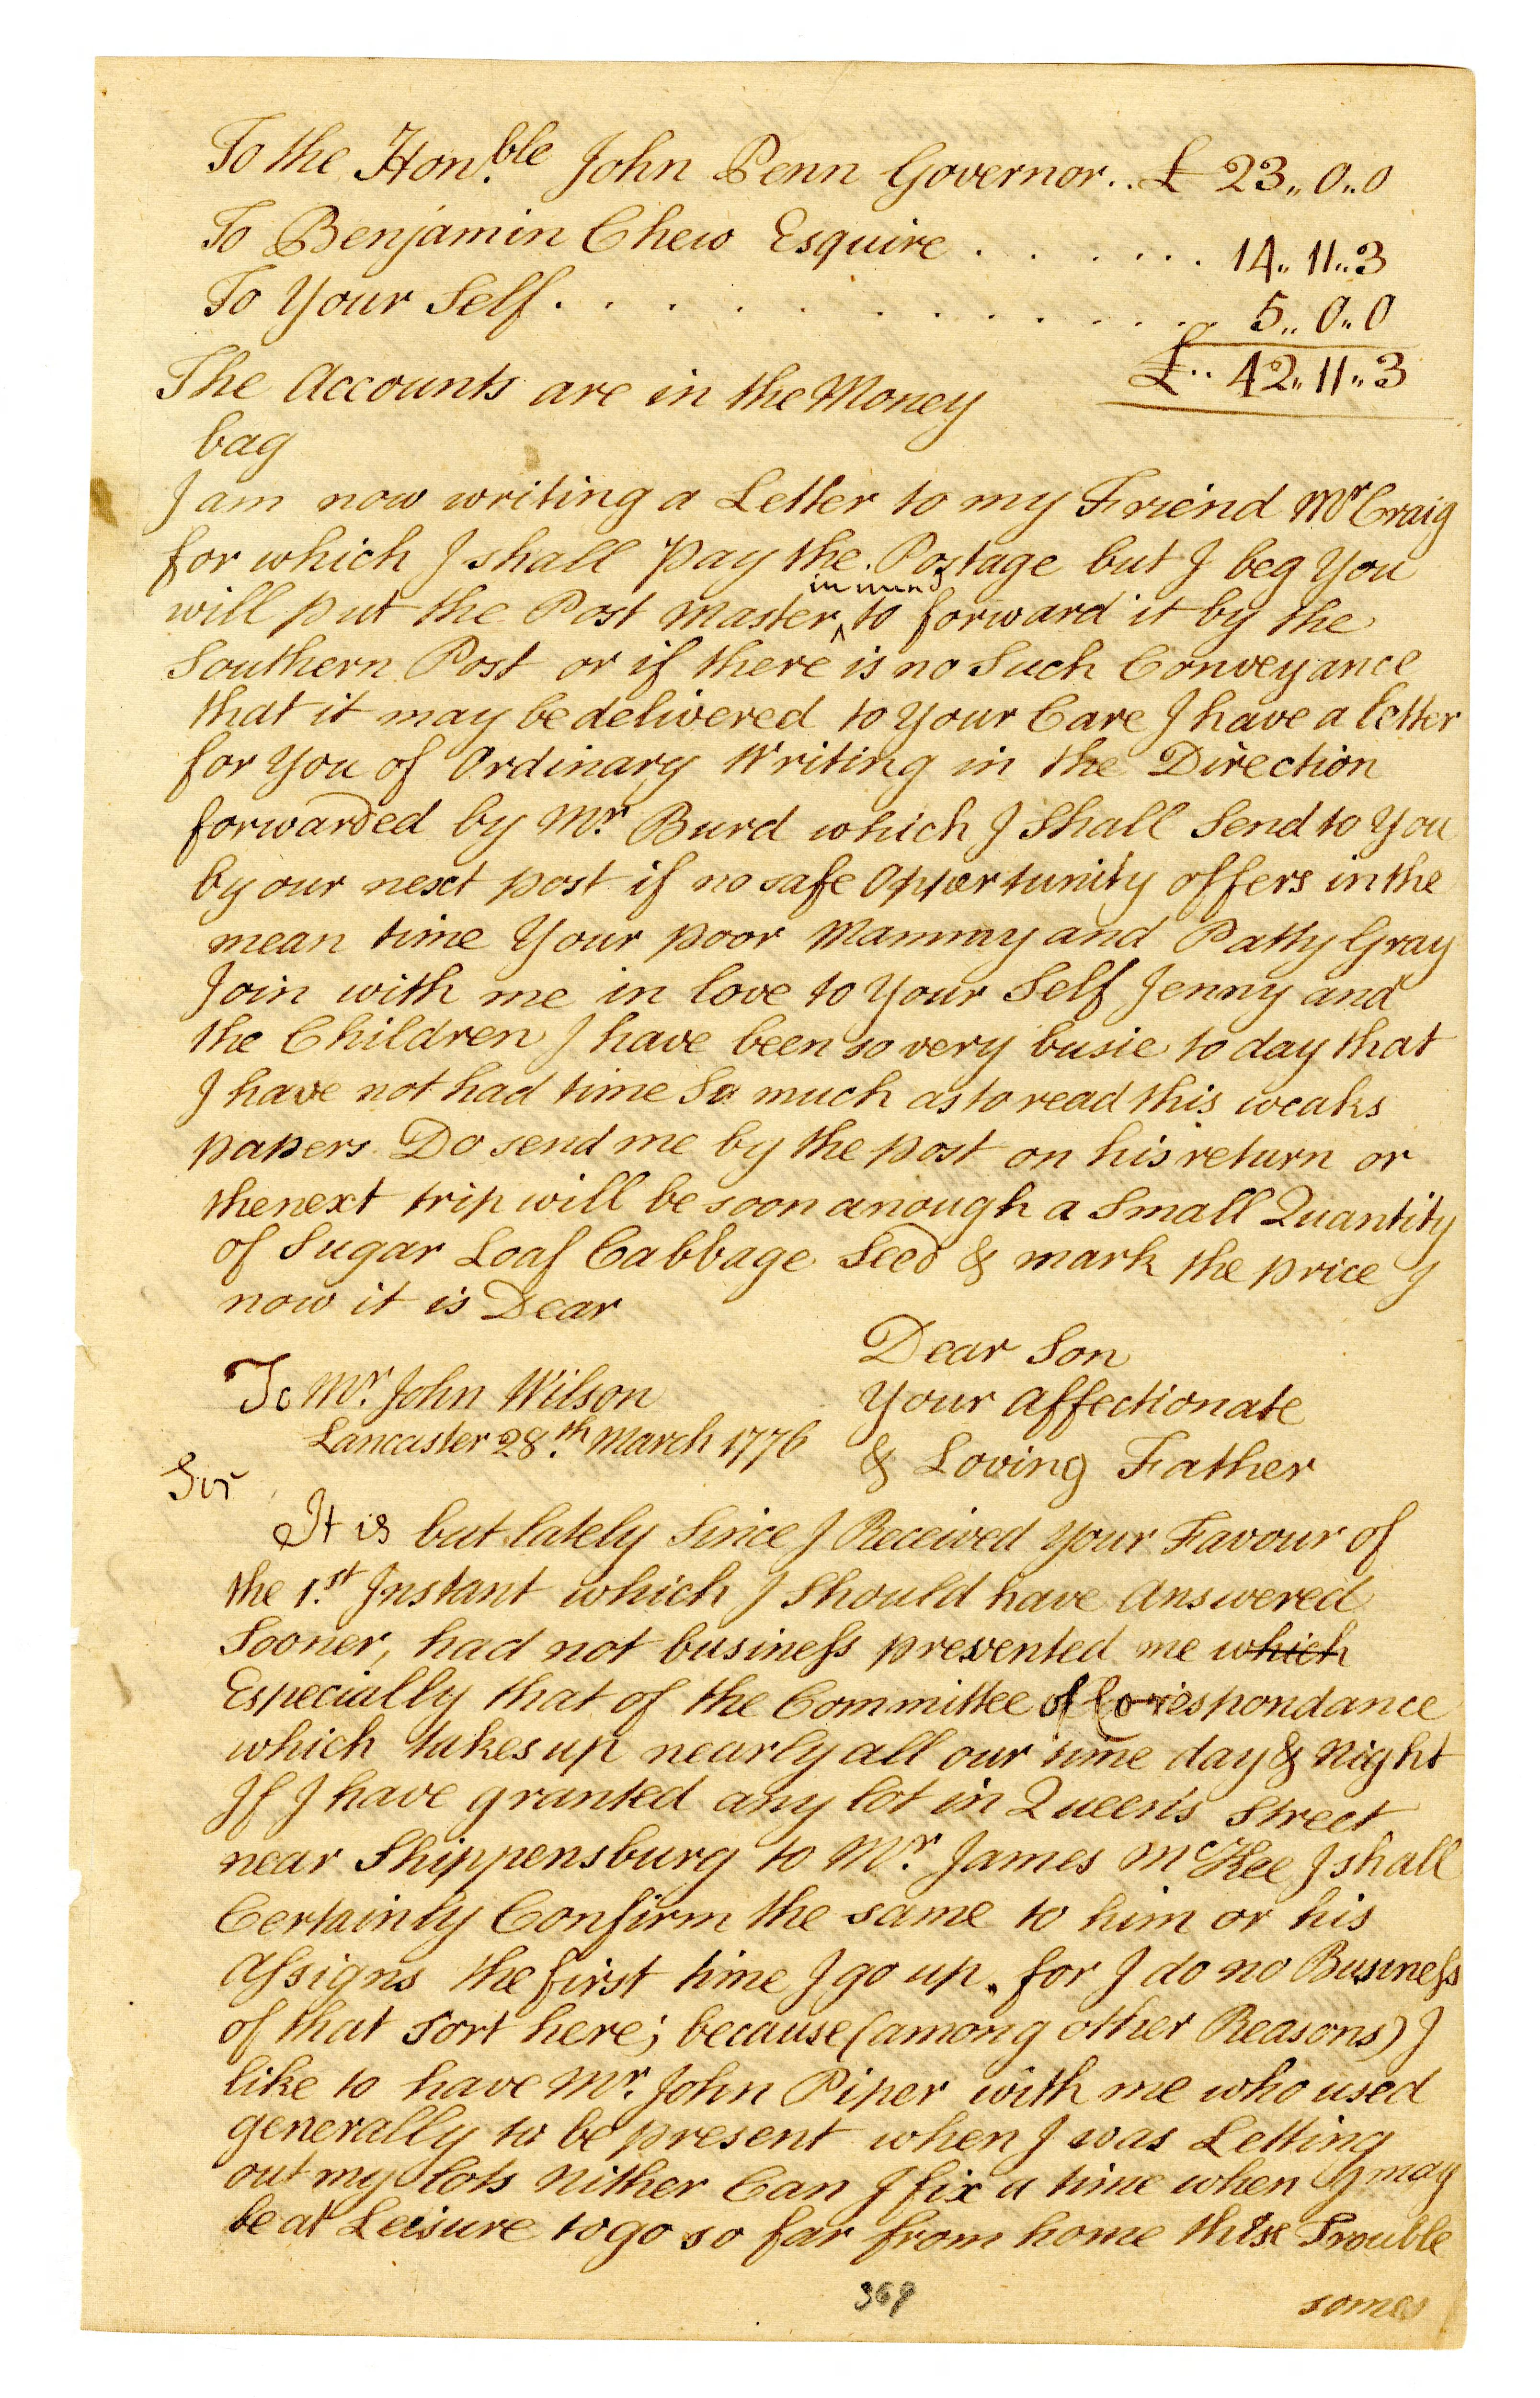To the Hon.^ble John Penn Governor.. £23..0..0
To Benjamin Chew Esquire...... 14..11..3
To Your Self.............5..0..0
£42..11..3
The Accounts are in the Money
bag
I am now writing a Letter to my Friend M^r Craig
for which I shall Pay the Portage but I beg You
in mind
will put the Post master ^ to forward it by the
Southern Post or if there is no Such Conveyance
that it may be delivered to your Care I have a letter
for You of Ordinary Writing in the Direction
forwarded by M^r. Burd which I Shall Send to You
by our next post if no safe Oppertunity offers in the
mean time Your poor Mammy and Patty Gray
Join with me in love to your Self Jenny and
the Children I have been so very busie to day that
I have not had time So much as to read this weaks
papers Do send Me by the post on his return or
the next trip will be soon anough a Small Quantity
of Sugar Loaf Cabbage Seed & mark the price I
now it is Dear
Dear Son
Your Affectionate
& Loving Father
To M^r. John Wilson
Lancaster 28^th. March 1776
Sir
It is but lately Since I Received your Favour of
the 1.^st Instant which I Should have Answered
Sooner; had not business prevented me [which]
Especially that of the Committee of Corespondance
which takes up nearly all our time day & Night
If I have granted any lot in Queen's Street
near Shippensburg to M^r. James McKee I shall
Certainly Confirm the same to him or his
Assigns the first time I go up, for I do no Business
of that sort here; because (among other Reasons) I
like to have M^r. John Piper with me who used
generally to be present when I was Letting
out my lots nither Can I fix a tine when I may
be at Leisure to go so far from home these Trouble
somes